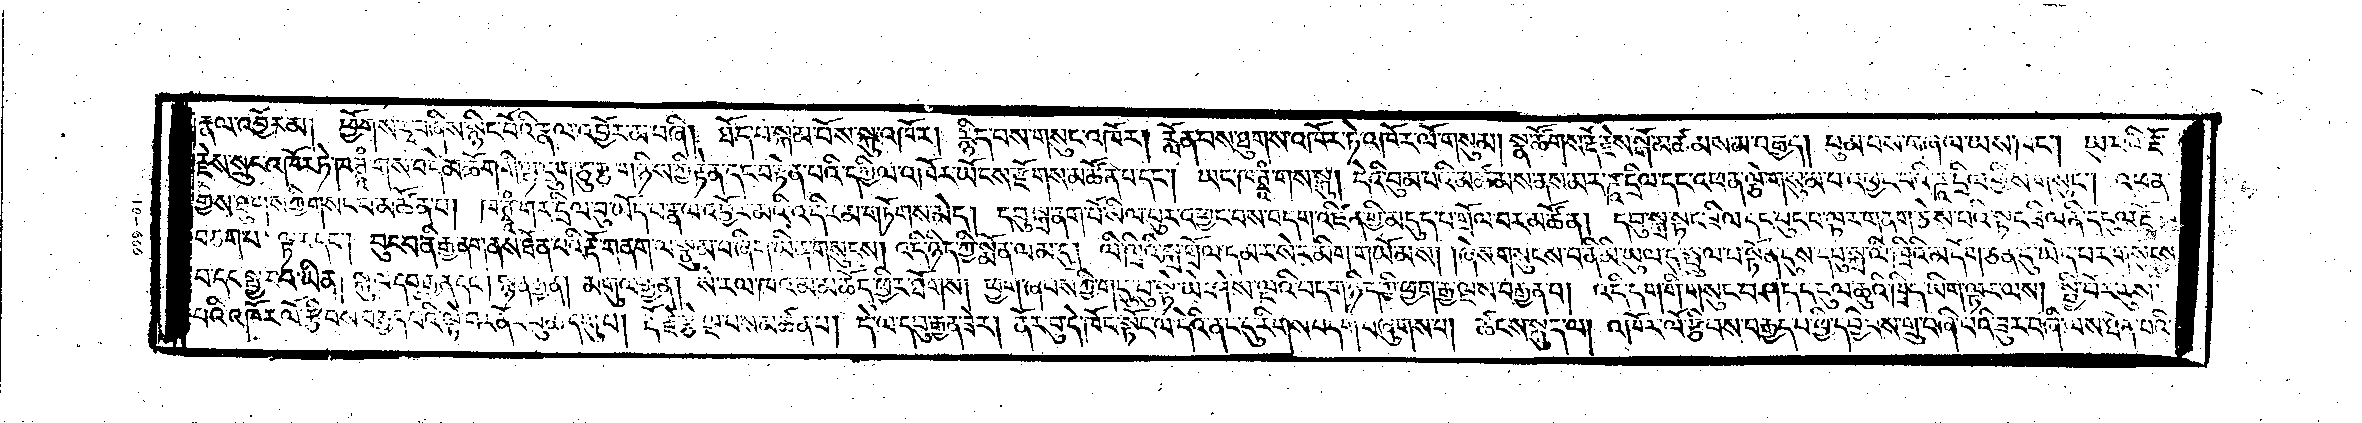རྣལ་འབྱོར་མ། ཕྱོགས་རྭ་བཞིས་སྙིང་པོའི་རྣལ་འབྱོར་མ་བཞི། ཐོད་པ་སྐམ་པོས་སྐུ་འཁོར། རྙིད་པས་གསུང་འཁོར། རློན་པས་ཐུགས་འཁོར་ཏེ་འཁོར་ལོ་གསུམ། སྣ་ཚོགས་རྡོ་རྗེས་སྒོ་མཚམས་མ་བརྒྱད། བུམ་པས་གཞལ་ཡས་ཁང་། ཡུ་བའི་རྡོ་
རྗེས་སྲུང་འཁོར་ཏེ་ཁ་ཊཝའཾ་གས་བདེ་མཆོག་གི་ལྷ་དྲུག་ཅུ་རྩ་གཉིས་ཀྱི་རྟེན་དང་བརྟེན་པའི་དཀྱིལ་འཁོར་ཡོངས་རྫོགས་མཚོན་པ་དང་། ཡང་ཁ་ཊཝའཾ་གས་སྐུ། དེའི་བུམ་པའི་མཚམས་ནས་མར་ཌཱ་དྲིལ་དང་འཕན་ལྕེ་གསུམ་པ་འཕྱང་བའི་ཌཱ་དྲིལ་གྱིས་གསུང་། འཕན་
གྱིས་ཐུགས་ཀྱི་གསང་བ་མཚོན་པ། ཁ་ཊཝའཾ་གར་དྲིལ་བུ་ཡོད་པ་རྣལ་འབྱོར་མའི་འདིར་མ་གཏོགས་མེད། དབུ་སྐྲ་ནག་པོ་སིལ་བུར་འཕྱང་བས་བདག་འཛིན་གྱི་མདུད་པ་གྲོལ་བར་མཚོན། དབུ་སྐྲ་སྟང་ཟིལ་དང་བུང་བ་ལྟར་གནག་ཅེས་པའི་སྟང་ཟིལ་ནི་དངུལ་རྡོ་
བཅག་པ་ལྟར་དང་། བུང་བ་ནི་རྒྱ་ནག་ནས་ཐོན་པའི་རྡོ་གནག་ལ་སྣུམ་པ་ཞིག་ཡིན་གསུངས། འདི་ཉིད་ཀྱི་སྨོན་ལམ་དུ། ལི་ཁྲིའི་སྐྲ་གྲོལ་དམར་སེར་མིག་གཡོ་མས། །ཞེས་གསུངས་པ་ནི་མི་ཡུལ་དུ་སྤྲུལ་པ་སྟོན་དུས་དབུ་སྐྲ་ལི་ཁྲིའི་མདོག་ཅན་དུ་ཡོད་པར་གསུངས་
པ་དང་སྦྱར་བ་ཡིན། སྐུ་ལ་དབུ་རྒྱན་དང་། སྙན་རྒྱན། མགུལ་རྒྱན། སེ་རལ་ཁའམ་མཆོད་ཕྱིར་ཐོགས། ཕྱག་ཞབས་ཀྱི་གདུ་བུ་སྟེ་ཡེ་ཤེས་ལྔའི་བདག་ཉིད་ཀྱི་ཕྱག་རྒྱ་ལྔས་བརྒྱན་པ། འདི་དག་གི་གསུང་བཤད་དངུལ་ཆུའི་ཁྲིད་ཡིག་ལྟར་ལས། སྤྱི་བོར་རུས་
པའི་འཁོར་ལོ་རྩིབས་བརྒྱད་པའི་ལྟེ་བར་ནོར་བུ་ཆ་དགུ་པ། རྡོ་རྗེ་རྩེ་ལྔ་བས་མཚན་པ། དེ་ལ་དབུ་རྒྱན་ཟེར། ནོར་བུ་དེ་ཁོང་སྟོང་ལ་དེའི་ནང་དུ་རིགས་བདག་བཞུགས་པ། ཚངས་སྐུད་ལ། འཁོར་ལོ་རྩི་བས་བརྒྱད་པ་ཕྱི་དབྱིབས་གྲུ་བཞི་བའི་ཟུར་བཞི་ལས་ཐོན་པའི་